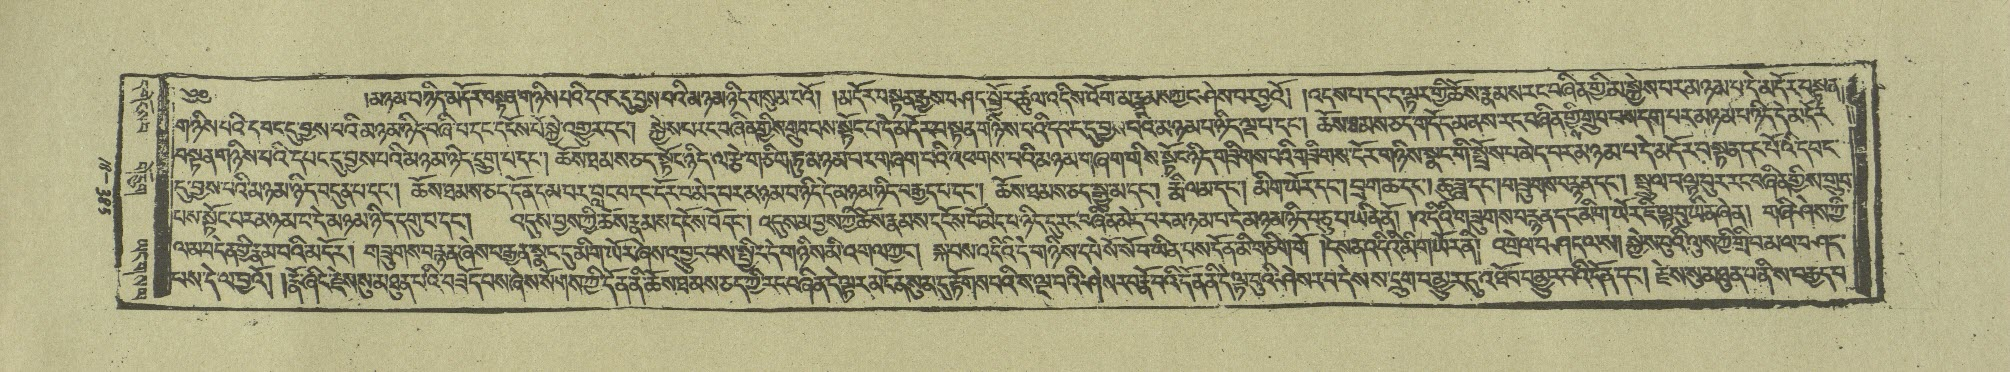༄༅། །མཉམ་པ་ཉིད་མདོར་བསྟན་གཉིས་པའི་དབང་དུ་བྱས་པའི་མཉམ་ཉིད་གསུམ་པའོ། །མདོར་བསྟན་རྒྱས་བཤད་སྦྱོར་ཚུལ་འདིས་འོག་མ་རྣམས་ཀྱང་ཤེས་བར་བྱའོ། །འདས་པ་དང་ད་ལྟར་གྱི་ཆོས་རྣམས་རང་བཞིན་གྱི་མ་སྐྱེས་པར་མཉམ་པ་དེ་མདོར་བསྟན་
གཉིས་པའི་དབང་དུ་བྱས་པའི་མཉམ་ཉིད་བཞི་པ་དང་དངོས་པོ་སྐྱེ་འགྱུར་དང་། སྐྱེས་པ་རང་བཞིན་གྱིས་གྲུབ་པས་སྟོང་པ་དེ་མདོར་བསྟན་གཉིས་པའི་དབང་དུ་བྱས་པའི་མཉམ་པ་ཉིད་ལྔ་པ་དང་། ཆོས་ཐམས་ཅད་གདོད་མ་ནས་རང་བཞིན་གྱིས་གྲུབ་པས་དག་པར་མཉམ་པ་ཉིད་དེ་མདོར་
བསྟན་གཉིས་པའི་དབང་དུ་བྱས་པའི་མཉམ་ཉིད་དྲུག་པ་དང་། ཆོས་ཐམས་ཅད་སྟོང་ཉིད་ལ་རྩེ་གཅིག་ཏུ་མཉམ་པར་གཞག་པའི་འཕགས་པའི་མཉམ་གཞག་གིས་སྟོང་ཉིད་གཟིགས་པའི་གཟིགས་ངོར་གཉིས་སྣང་གི་སྤྲོས་པ་མེད་པར་མཉམ་པད་མདོར་བསྟན་དང་པོའི་དབང་
དུ་བྱས་པའི་མཉམ་ཉིད་བདུན་པ་དང་། ཆོས་ཐམས་ཅད་དོན་དམ་པར་བླང་བ་དང་དོར་བ་མེད་པར་མཉམ་པ་ཉིད་དེ་མཉམ་ཉིད་བརྒྱད་པ་དང་། ཆོས་ཐམས་ཅད་སྒྱུ་མ་དང་། རྨི་ལམ་དང་། མིག་ཡོར་དང་། བྲག་ཆ་དང་། ཆུ་ཟླ་དང་། གཟུགས་བརྙན་དང་། སྤྲུལ་བ་ལྟ་བུར་རང་བཞིན་གྱིས་གྲུབ་
པས་སྟོང་པར་མཉམ་པ་དེ་མཉམ་ཉིད་དགུ་པ་དང་། འདུས་བྱས་ཀྱི་ཆོས་རྣམས་དངོས་པོ་དང་། འདུས་མ་བྱས་ཀྱི་ཆོས་རྣམས་དངོས་པོ་མེད་པ་ཉིད་དུ་རང་བཞིན་མེད་བར་མཉམ་པ་དེ་མཉམ་ཉིད་བཅུ་པ་ཡིན་ནོ། །འདིའི་གཟུགས་བརྙན་དང་མིག་ཡོར་ཇི་ལྟ་བུ་ཡིན་ཞེ་ན། གཞི་ཤེས་ཀྱི་
ལམ་བདེན་གྱི་རྣམ་པའི་མདོར། གཟུགས་བརྙན་ཞེས་པ་རྒྱན་སྣང་དུ་མིག་ཡོར་ཞེས་འབྱུང་བས་སྤྱིར་དེ་གཉིས་མི་འགལ་ཀྱང་། སྐབས་འདིའི་དེ་གཉིས་དཔེ་སོ་སོ་བ་ཡིན་བས་དོན་མི་གཅིག་གོ །དེས་ན་འདིའི་མིག་ཡོར་ནི། འགྲེལ་བཤད་ལས། སྐྱེས་བུའི་ལུས་ཀྱི་གྲིབ་མ་ལ་བཤད་
པས་དེ་ལ་བྱའོ། །རྣོ་ཞིང་རྗེས་སུ་མཐུན་པའི་བཟོད་པས་ཞེས་སོགས་ཀྱི་དོན་ནི་ཆོས་ཐམས་ཅད་ཀྱི་རང་བཞིན་དེ་ལྟར་མངོན་སུམ་དུ་རྟོགས་པའི་ས་ལྔ་བའི་ཤེས་རབ་རྣོ་བའི་དོན་ནི་དེ་ལྟ་བུའི་ཤེས་རབ་དེས་ས་དྲུག་པ་མྱུར་དུ་འཐོབ་པ་མྱུར་བའི་དོན་དང་། རྗེས་སུ་མཐུན་པ་ནི་ས་བརྒྱད་པ་